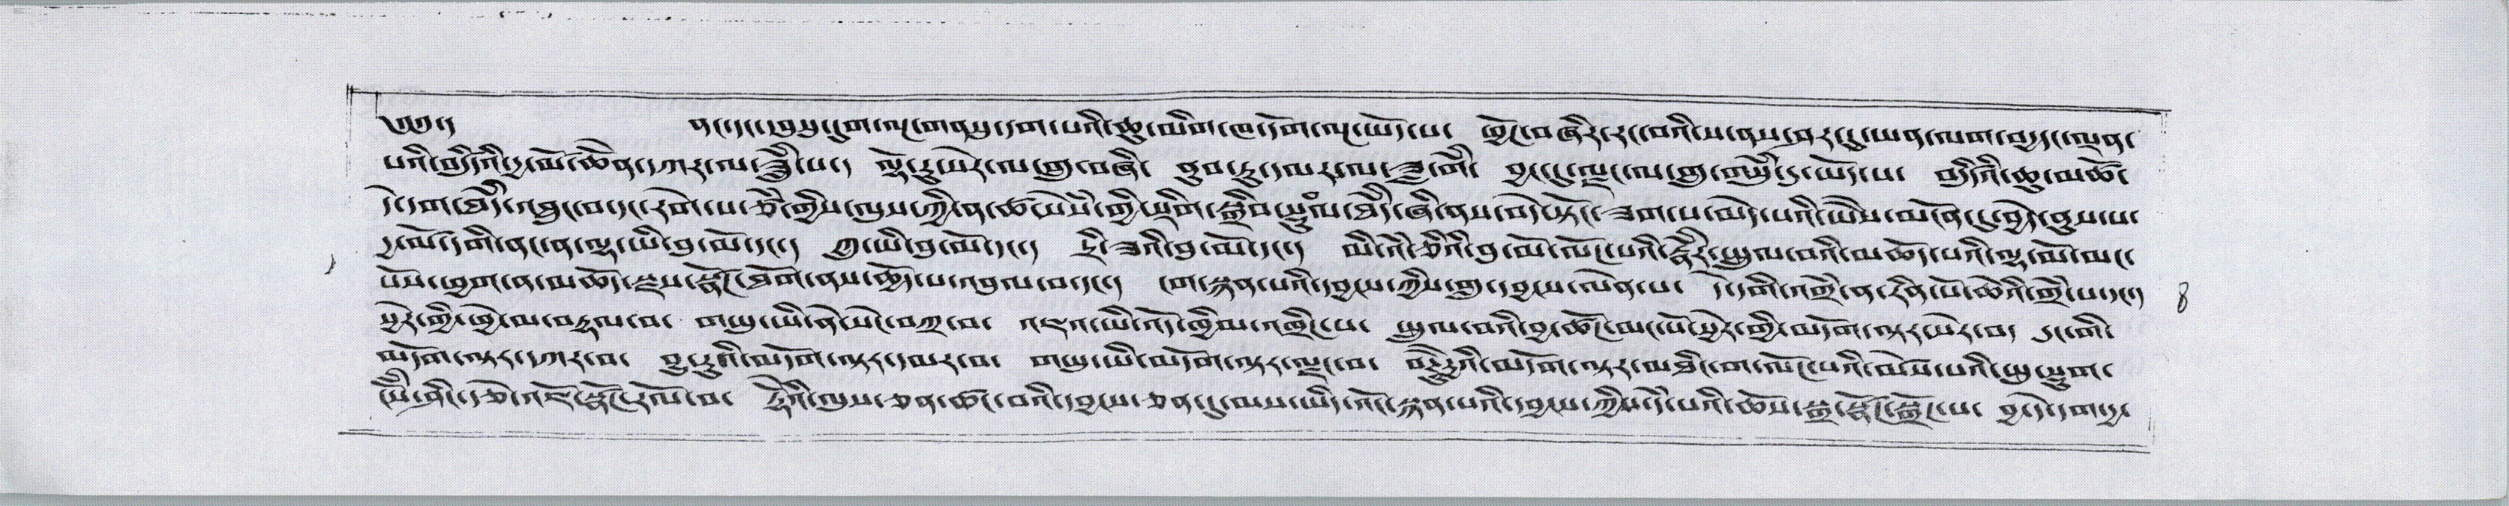ནང་དང་དབུས་སུ་དུག་ལྔ་གནས་སུ་དག་པའི་ཆུ་མིག་ཁ་དོག་ལྔ་ཡོད་པ། ཕྱོགས་བཞིར་རང་རང་གི་ས་ནས་ཤར་དུ་ཡན་ལག་བརྒྱད་དང་ལྡན་
པའི་བདུད་རྩིའི་རྒྱ་མཚོ་ཆེན་པོ་དཀར་ལ་ཟླུམ་པ། ལྷོ་རུ་སེར་ལ་གྲུ་བཞི། ནུབ་ཏུ་དམར་ལ་ཟླ་གམ། བྱང་དུ་ལྗང་ལ་གྲུ་གསུམ་དུ་ཡོད་པ། བདུད་རྩི་ཆུ་མཚོ་
དེ་དག་ཐམས་ཅད་འཐུང་བ་དང་རེག་པ་ཙམ་གྱིས་ལུས་ཀྱི་ན་ཚ་སེམས་ཀྱི་སྡིག་སྒྲིབ་སྡུག་བསྔལ་ཐམས་ཅད་ཞི་ནས་བདེ་སྟོང་ཟག་པ་མེད་པའི་ཡེ་ཤེས་མངོན་དུ་བྱེད་ནུས་པ། 
རྒྱ་མཚོ་དག་གི་ནང་ན་ལྷ་ཡི་བུ་མོ་དང་ཀླུ་ཡི་བུ་མོ་དང་། དྲི་ཟའི་བུ་མོ་དང་། མིའམ་ཅི་ཡི་བུ་མོ་ལ་སོགས་པའི་རྣམ་པར་སྤྲུལ་པའི་མཆོད་པའི་ལྷ་མོ་མང་
པོས་ཕྱག་ན་མཆོད་རྫས་སྣ་ཚོགས་ཐོགས་ནས་མཆོད་པ་འབུལ་བ་དང་། ངག་སྙན་པའི་དབྱངས་ཀྱིས་གླུ་དབྱངས་ལེན་པ། དེ་དག་གི་འགྲམ་ན་རིན་པོ་ཆེའི་གྲམ་པ་དང་། 
གསེར་གྱི་ཕྱེ་མ་བརྡལ་བ་གཡུ་ཡི་ནེ་སེང་བཀྲ་བ། འཇའ་ཡི་འོད་ཁྱིམ་འཁྲིགས་པ། སྤྲུལ་པའི་བྱ་ཚོགས་མང་པོ་གསེར་གྱི་མདོག་ལྟར་སེར་བ། དུང་གི་
མདོག་ལྟར་དཀར་བ། བྱུ་རུའི་མདོག་ལྟར་དམར་བ། གཡུ་ཡི་མདོག་ལྟར་ལྗང་བ། བཱེཌཱུརྱའི་མདོག་ལྟར་མཐིང་ག་ལ་སོགས་པའི་མཛེས་པའི་སྤུ་སྡུག་
ངོམས་ཤིང་རྩེད་འཇོ་སྣ་ཚོགས་རོལ་པ། རྡོ་རྗེའི་ལུས་ཅན་ཚངས་པའི་དབྱངས་ཅན་དུ་མས་ཡིད་འོང་སྙན་པའི་དབྱངས་ཀྱིས་དམ་པའི་ཆོས་སྒྲ་སྣ་ཚོགས་སྒྲོགས་པ། བྱ་དེ་དག་རྒྱ་